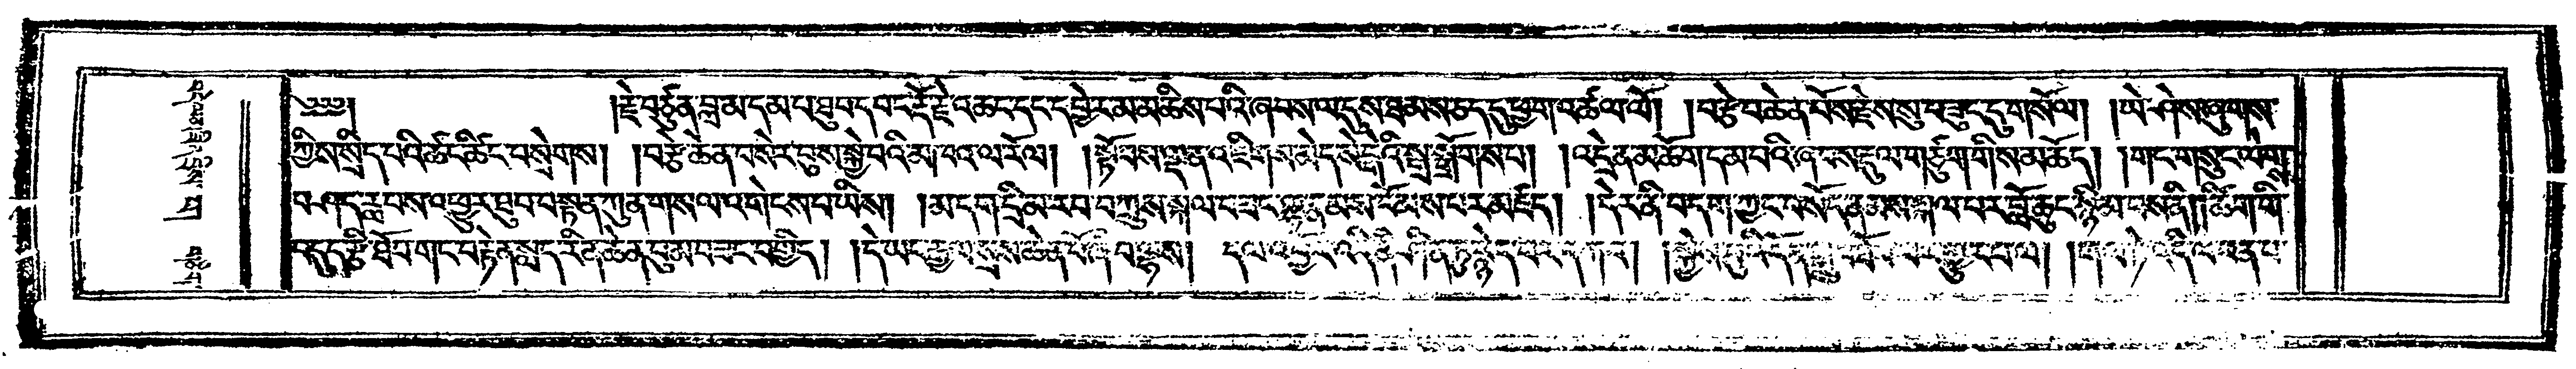༄༅༅། །རྗེ་བཙུན་བླ་མ་དམ་པ་ཐུབ་དབང་རྡོ་རྗེ་འཆང་དང་དབྱེར་མ་མཆིས་པའི་ཞབས་ལ་དུས་ཐམས་ཅད་དུ་ཕྱག་འཚལ་ལོ། །བརྩེ་བ་ཆེན་པོས་རྗེས་སུ་བཟུང་དུ་གསོལ། །ཡེ་ཤེས་ཞུགས་
ཀྱིས་སྲིད་པའི་ཚང་ཚིང་བསྲེགས། །བརྩེ་ཆེན་བསེར་བུས་སྐྱེ་བའི་མཁའ་ལ་རོལ། །སྟོབས་ལྡན་འཇིགས་མེད་སེངྒེའི་སྒྲ་སྒྲོགས་པ། །འདྲེན་མཆོག་དམ་པའི་ཞབས་རྡུལ་གཙུག་གིས་མཆོད། །གང་གསུང་ལེགས་
བཤད་རླབས་འཕྱུར་ཐུབ་བསྟན་ཀུན་གསལ་འགེངས་པ་ཡིས། །མ་དག་དྲི་མ་རབ་བཀྲུས་སྐལ་བཟང་ལྷ་རྣམས་ངོམས་པར་མཛད། །དེར་ནི་བདག་ཀྱང་བསོད་ནམས་སྐལ་བར་བློ་ཆུང་སྙོམ་བས་ནི། །ཚིག་གི་
བདུད་རྩི་ཐོབ་གང་བརྟེན་སླད་རིན་ཆེན་བུམ་བཟང་བགྱིད། །དེ་ཡང་རྒྱལ་སྲས་ཆེན་པོ་ཞི་བ་ལྷས། དལ་འབྱོར་འདི་ནི་ཤིན་ཏུ་རྙེད་པར་དཀའ། །སྐྱེས་བུའི་དོན་སྒྲུབ་ཐོབ་པར་གྱུར་པ་ལ། །གལ་ཏེ་འདི་ལ་ཕན་པ་